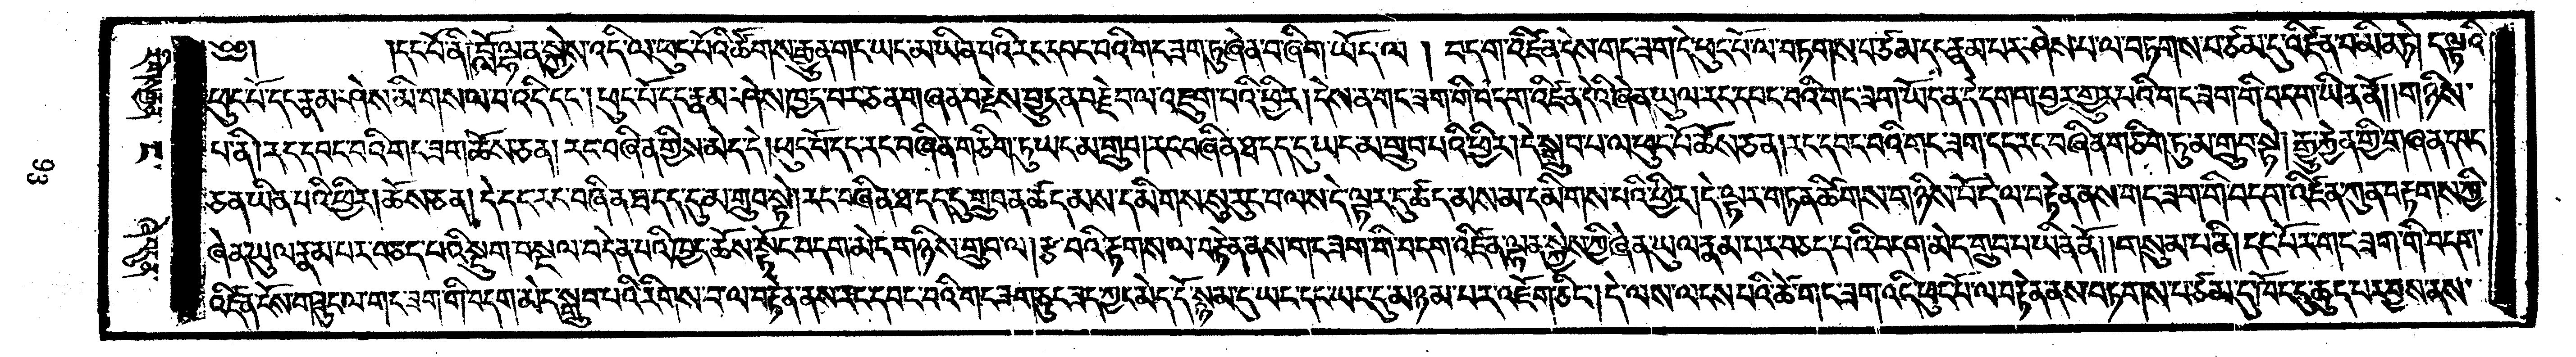༄༅། །དང་པོ་ནི། བློ་ལྷན་སྐྱེས་འདི་ལ་ཕུང་པོའི་ཚོགས་རྒྱུན་གང་ཡང་མ་ཡིན་པའི་རང་དབང་བའི་གང་ཟག་ཏུ་ཞེན་པ་ཞིག་ཡོད་ལ། བདག་འཛིན་དེས་གང་ཟག་དེ་ཕུང་པོ་ལ་བཏགས་པ་ཙམ་དང་རྣམ་པར་ཤེས་པ་ལ་བཏགས་པ་ཙམ་དུ་འཛིན་པ་མིན་ཏེ། ད་ལྟའི་
ཕུང་པོ་དང་རྣམ་ཤེས་མི་གསལ་བ་འདི་དང་། ཕུང་པོ་དང་རྣམ་ཤེས་ཁྱད་པར་ཅན་གཞན་པ་རྗེས་བྱུང་ན་བརྗེ་བ་ལ་འཇུག་པའི་ཕྱིར། དེས་ན་གང་ཟག་གི་བདག་འཛིན་དེའི་ཞེན་ཡུལ་རང་དབང་བའི་གང་ཟག་ཡོད་ན་དེ་དགག་བྱར་གྱུར་པའི་གང་ཟག་གི་བདག་ཡིན་ནོ། །གཉིས་
པ་ནི། རང་དབང་བའི་གང་ཟག་ཆོས་ཅན། རང་བཞིན་གྱིས་མེད་དེ། ཕུང་པོ་དང་རང་བཞིན་གཅིག་ཏུ་ཡང་མ་གྲུབ། རང་བཞིན་ཐ་དད་དུ་ཡང་མ་གྲུབ་པའི་ཕྱིར། དེ་སྒྲུབ་པ་ལ་ཕུང་པོ་ཆོས་ཅན། རང་དབང་བའི་གང་ཟག་དང་རང་བཞིན་གཅིག་ཏུ་མ་གྲུབ་སྟེ། རྒྱུ་རྐྱེན་གྱི་གཞན་དབང་
ཅན་ཡིན་པའི་ཕྱིར། ཆོས་ཅན། དེ་དང་རང་བཞིན་ཐ་དད་དུ་མ་གྲུབ་སྟེ། རང་བཞིན་ཐ་དད་དུ་གྲུབ་ན་ཚད་མས་དམིགས་སུ་རུང་བ་ལས་དེ་ལྟར་དུ་ཚད་མས་མ་དམིགས་པའི་ཕྱིར། དེ་ལྟར་གཏན་ཚིགས་གཉིས་པོ་དེ་ལ་བརྟེན་ནས་གང་ཟག་གི་བདག་འཛིན་ཀུན་བརྟགས་ཀྱི་
ཞེན་ཡུལ་རྣམ་པར་བཅད་པའི་སྡུག་བསྔལ་བདེན་པའི་ཁྱད་ཆོས་སྟོང་བདག་མེད་གཉིས་གྲུབ་ལ། རྩ་བའི་རྟགས་ལ་བརྟེན་ནས་གང་ཟག་གི་བདག་འཛིན་ལྷན་སྐྱེས་ཀྱི་ཞེན་ཡུལ་རྣམ་པར་བཅད་པའི་བདག་མེད་གྲུབ་པ་ཡིན་ནོ། །གསུམ་པ་ནི། དང་པོར་གང་ཟག་གི་བདག་
འཛིན་ངོས་གཟུང་ལ་གང་ཟག་གི་བདག་མེད་སྒྲུབ་པའི་རིགས་པ་ལ་བརྟེན་ནས་རང་དབང་བའི་གང་ཟག་ཅུང་ཟད་ཀྱང་མེད་དོ་སྙམ་དུ་ཡང་དང་ཡང་དུ་མཉམ་པར་འཇོག་ཅིང་། དེ་ལས་ལངས་པའི་ཚེ་གང་ཟག་འདི་ཕུང་པོ་ལ་བརྟེན་ནས་བཏགས་པ་ཙམ་དུ་ཁོང་དུ་ཆུད་པར་བྱས་ནས་